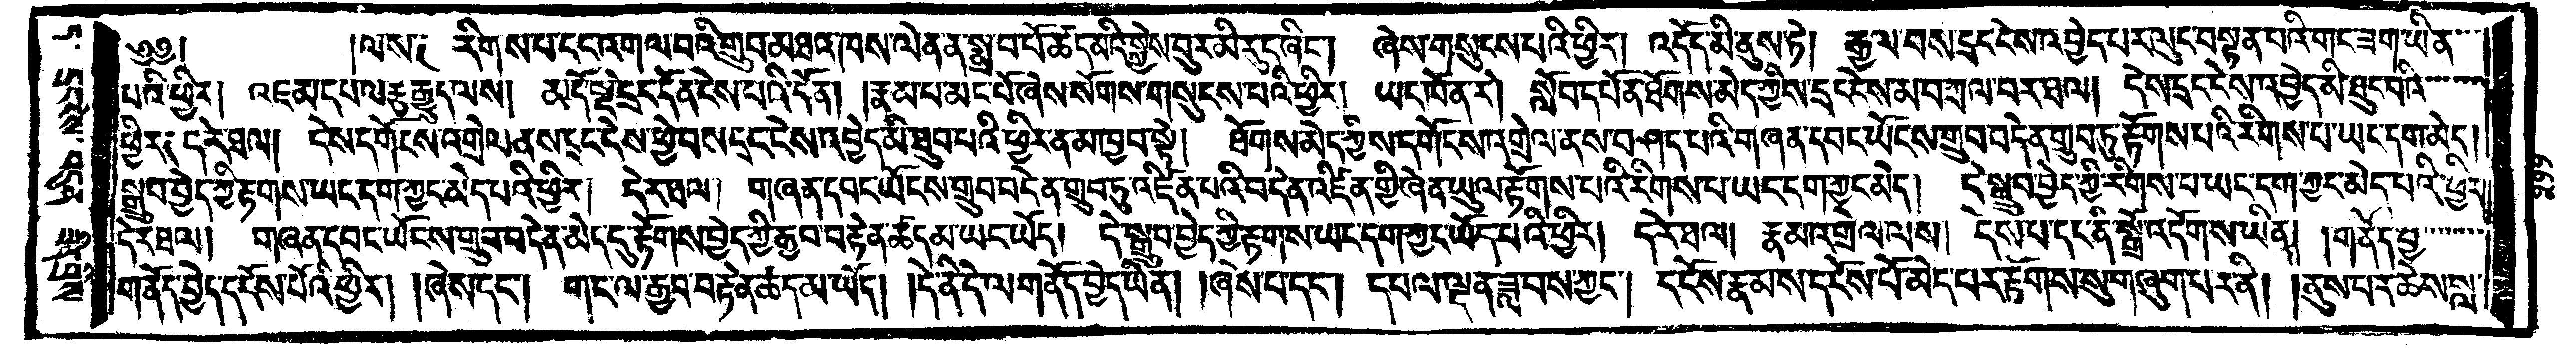༄༅། །ལས༑ རིགས་པ་དང་འགལ་བའི་གྲུབ་མཐའ་ཁས་ལེན་ན་སྨྲ་བ་པོ་ཚད་མའི་སྐྱེས་བུར་མི་རུང་ཞིང་། ཞེས་གསུངས་པའི་ཕྱིར། འདོད་མི་ནུས་ཏེ། རྒྱལ་བས་དྲང་ངེས་འབྱེད་པར་ལུང་བསྟན་པའི་གང་ཟག་ཡིན་
པའི་ཕྱིར། འཇམ་དཔལ་རྩ་རྒྱུད་ལས། མདོ་སྡེ་དྲང་དོན་ངེས་པའི་དོན། །རྣམ་པ་མང་པོ་ཞེས་སོགས་གསུངས་པའི་ཕྱིར། ཡང་ཁོ་ན་རེ། སློབ་དཔོན་ཐོགས་མེད་ཀྱིས་དྲང་ངེས་མ་བཀྲལ་བར་ཐལ། དེས་དྲང་ངེས་འབྱེད་མི་ཐུང་བའི་
ཕྱིར༑ དེར་ཐལ། དེས་དགོངས་འགྲེལ་ནས་དྲང་ངེས་ཕྱེ་བས་དྲང་ངེས་འབྱེད་མི་ཐུབ་པའི་ཕྱིར་ན་མ་ཁྱབ་སྟེ། ཐོགས་མེད་ཀྱིས་དགོངས་འགྲེལ་ནས་བཤད་པའི་གཞན་དབང་ཡོངས་གྲུབ་བདེན་གྲུབ་ཏུ་རྟོགས་པའི་རིགས་པ་ཡང་དག་མེད།
སྒྲུབ་བྱེད་ཀྱི་རྟགས་ཡང་དག་ཀྱང་མེད་པའི་ཕྱིར། དེར་ཐལ། གཞན་དབང་ཡོངས་གྲུབ་བདེན་གྲུབ་ཏུ་འཛིན་པའི་བདེན་འཛིན་གྱི་ཞེན་ཡུལ་རྟོགས་པའི་རིགས་པ་ཡང་དག་ཀྱང་མེད། དེ་སྒྲུབ་བྱེད་ཀྱི་རིགས་པ་ཡང་དག་ཀྱང་མེད་པའི་ཕྱིར།
དེར་ཐལ། གཞན་དབང་ཡོངས་གྲུབ་བདེན་མེད་དུ་རྟོགས་བྱེད་ཀྱི་རྒྱབ་བརྟེན་ཚད་མ་ཡང་ཡོད། དེ་སྒྲུབ་བྱེད་ཀྱི་རྟགས་ཡང་དག་ཀྱང་ཡོད་པའི་ཕྱིར། དེར་ཐལ། རྣམ་འགྲེལ་ལས། དེས་པ་དང་ནི་སྒྲོ་འདོགས་ཡིན། །གནོད་བྱ་
གནོད་བྱེད་དངོས་པོའི་ཕྱིར། །ཞེས་དང་། གང་ལ་རྒྱབ་བརྟེན་ཚད་མ་ཡོད། །དེ་ནི་དེ་ལ་གནོད་བྱེད་ཡིན། །ཞེས་པ་དང་། དཔལ་ལྡན་ཟླ་བས་ཀྱང་། དངོས་རྣམས་དངོས་པོ་མེད་པར་རྟོགས་སུ་གཞུག་པར་ནི། །ནུས་པར་ཆེས་སླ་